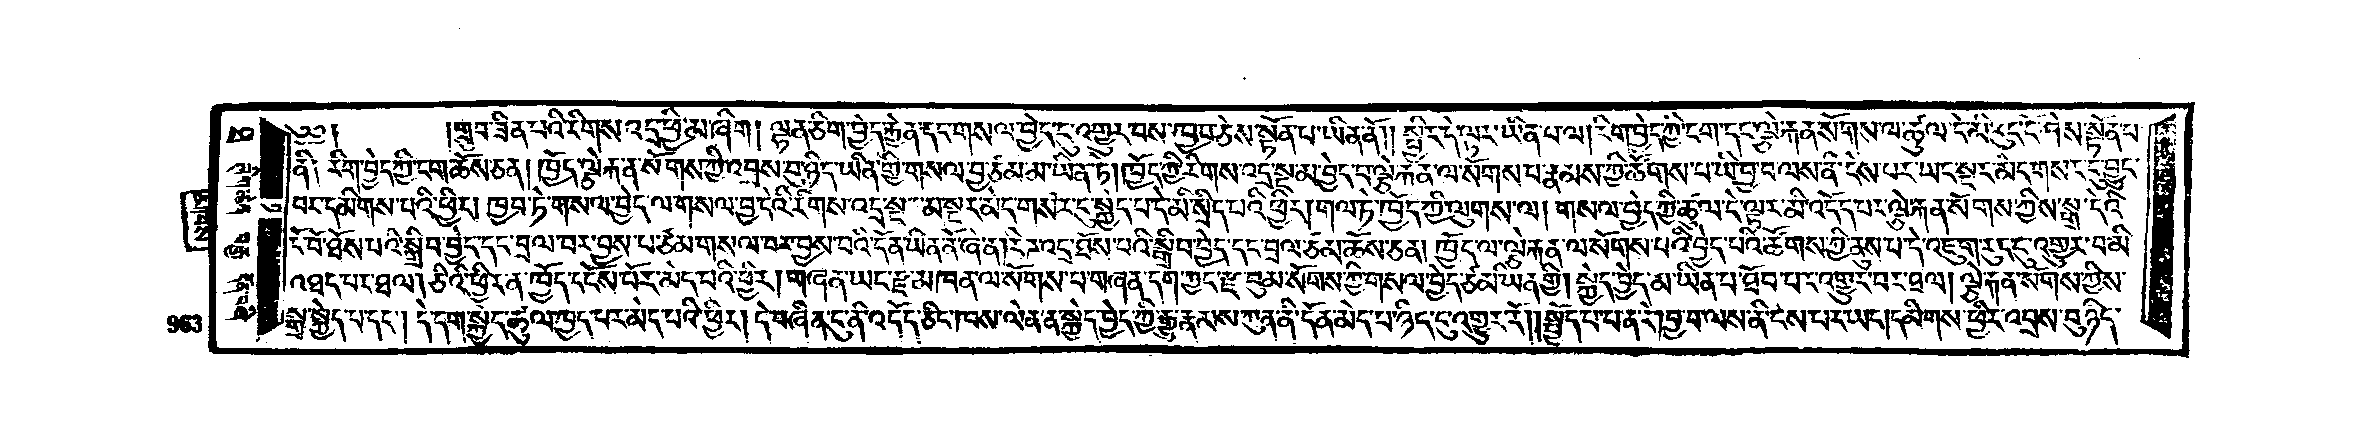༄༅། །གྲུབ་ཟིན་པའི་རིགས་འདྲ་ཕྱི་མ་ཞིག། ལྷན་ཅིག་བྱེད་རྐྱེན་དང་གསལ་བྱེད་དུ་འགྱུར་བས་ཁྱབ་ཅེས་སྟོན་པ་ཡིན་ནོ། །སྤྱིར་དེ་ལྟར་ཡིན་པ་ལ། རིག་བྱེད་ཀྱི་ངག་དང་ལྕེ་རྐན་སོགས་ལ་ཚུལ་དེ་མི་རུང་ངོ་ཤེས་སྟོན་པ་
ནི། རིག་བྱེད་ཀྱི་ངག་ཆོས་ཅན། ཁྱོད་ལྕེ་རྐན་སོགས་ཀྱི་འབྲས་བུ་ཉིད་ཡིན་གྱི་གསལ་བྱ་ཙམ་མ་ཡིན་ཏེ། ཁྱོད་ཀྱི་རིགས་འདྲ་སྔ་མ་བྱེད་པ་ལྕེ་རྐན་ལ་སོགས་པ་རྣམས་ཀྱི་ཚོགས་པ་ཡི་བྱ་བ་ལས་ནི་ངེས་པར་ཡང་སྔར་མེད་གསར་དུ་བྱུང་
བར་དམིགས་པའི་ཕྱིར། ཁྱབ་ཏེ་གསལ་བྱེད་ལ་གསལ་བྱ་དེའི་རིགས་འདྲ་སྔ་མ་སྔར་མེད་གསར་དུ་སྐྱེད་པ་དེ་མི་སྲིད་པའི་ཕྱིར། གལ་ཏེ་ཁྱོད་ཀྱི་ལུགས་ལ། གསལ་བྱེད་ཀྱི་ཚུལ་དེ་ལྟར་མི་འདོད་པར་ལྕེ་རྐན་སོགས་ཀྱིས་སྒྲ་དེའི་
ངོ་བོ་ཐོས་པའི་སྒྲིབ་བྱེད་དང་བྲལ་བར་བྱས་པ་ཙམ་གསལ་བར་བྱས་པའི་དོན་ཡིན་དོ་ཞེ་ན། རིགས་འདྲ་ཐོས་པའི་སྒྲིབ་བྱེད་དང་བྲལ་ཙམ་ཆོས་ཅན། ཁྱོད་ལ་ལྕེ་རྐན་ལ་སོགས་པའི་བྱེད་པའི་ཚོགས་ཀྱི་ནུས་པ་དེ་འཇུག་རུང་གུ་འགྱུར་བ་མི་
འཐད་པར་ཐལ། ཅིའི་ཕྱིར་ན། ཁྱོད་དངོས་པོར་མེད་པའི་ཕྱིར། གཞན་ཡང་རྫ་མཁན་ལ་སོགས་པ་གཞན་དག་ཀྱང་རྫ་བུམ་སོགས་ཀྱི་གསླ་བྱེད་ཙམ་ཡིན་གྱི། སྐྱེད་བྱེད་མ་ཡིན་པ་ཐོབ་པར་འགྱུར་བར་ཐལ། ལྕེ་རྐན་དོགས་ཀྱིས་
སྒྲ་སྐྱེད་པ་དང་། དེ་དག་སྐྱེད་ཚུལ་ཁྱད་པར་མེད་པའི་ཕྱིར། དེ་བཞིན་དུ་ནི་འདོད་ཅིང་ཁས་ལེན་ན་སྐྱེད་བྱེད་ཀྱི་རྒྱུ་རྣམས་ཀུན་ནི་དོན་མེད་པ་ཉིད་དུ་འགྱུར་རོ། །སྤྱོད་པ་པ་ན་རེ། བྱ་བ་ལས་ནི་ངེས་པར་ཡང་། དམིགས་ཕྱིར་འབྲས་བུ་ཉིད་